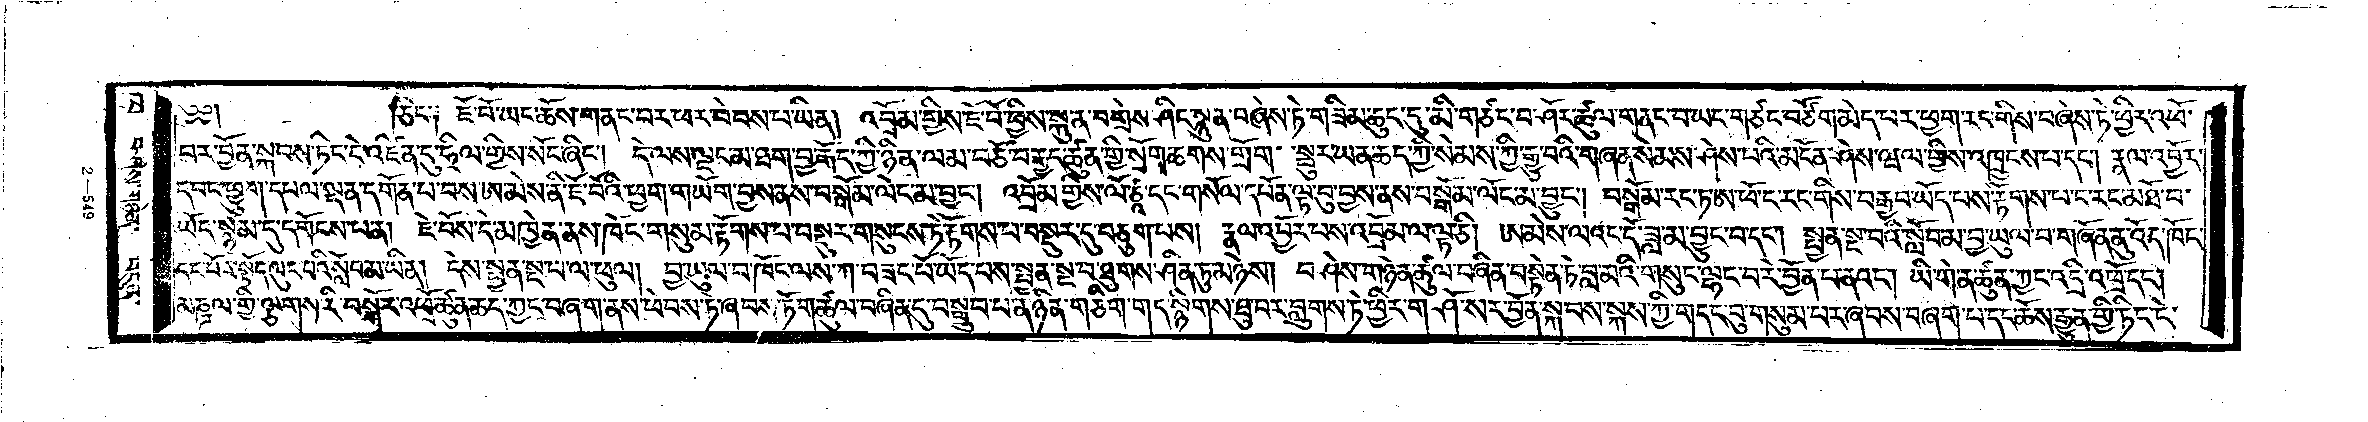༄༅། །ཅེང༑ ཇོ་བོ་ཡང་ཆོས་གནང་བར་ཕར་བེབས་པ་ཡིན། འབྲོམ་གྱིས་ཇོ་བོ་ཕྱིས་སྐུ་ན་བགྲེས་ཤིང་སྙུན་བཞེས་ཏེ་གཟིམ་ཆུང་དུ་མི་གཙང་བ་ཤོར་ཚུལ་གནང་བ་ཡང་གཙང་བཙོག་མེད་པར་ཕྱག་རང་གིས་བཞེས་ཏེ་ཕྱིར་འཕོ་
བར་བྱོན་སྐབས་ཏིང་ངེ་འཛིན་དུ་ཧྲིལ་གྱིས་སོང་ཞིང་། དེ་ལས་ལྡང་མ་ཐག་བྱ་རྒོད་ཀྱི་ཉིན་ལམ་བཅོ་བརྒྱད་ཚུན་གྱི་སྲོག་ཆགས་གྲོག་སྤུར་ཡན་ཆད་ཀྱི་སེམས་ཀྱི་རྒྱུ་བའི་གཞན་སེམས་ཤེས་པའི་མངོན་ཤེས་ཝལ་གྱིས་འཁྲུངས་པ་དང་། རྣལ་འབྱོར་
དབང་ཕྱུག་དཔལ་ལྡན་དགོན་པ་བས་ཨ་མེས་ནི་ཇོ་བོའི་ཕྱག་གཡོག་བྱས་ནས་བསྒོམ་ལོང་མ་བྱུང་། འབྲོམ་གྱིས་ལོ་ཙཱ་དང་གསོལ་དཔོན་ལྟ་བུ་བྱས་ནས་བསྒོམ་ལོང་མ་བྱུང་། བསྒོམ་རང་ཏ་ཨ་ཕོ་ང་རང་གིས་བརྒྱབ་ཡོད་པས་རྟོགས་པ་ང་རང་མཐོ་བ་
ཡོད་སྙམ་དུ་དགོངས་པ་ན། ཇེ་བོས་དེ་མཁྱེན་ནས་ཁོང་གསུམ་རྟོགས་པ་བསྡུར་གསུངས་ཏེ་རྟོགས་པ་བསྡུར་དུ་བཅུག་པས། རྣལ་འབྱོར་པས་འབྲོམ་ལ་ལྟ་ཅི། ཨ་མེས་ལའང་དོ་ཟླ་མ་བྱུང་བ་དང་། སྤྱན་སྔ་བའི་སློབ་མ་བྱ་ཡུལ་བ་གཞོན་ནུ་འོད་ཁོང་
དང་པོར་སྟོད་ལུང་པའི་སློབ་མ་ཡིན། དེས་སྤྱན་སྔ་པ་ལ་ཕུལ། བྱ་ཡུལ་བ་ཁོང་ལས་ཀ་བཟང་པོ་ཡོད་པས་སྤྱན་སྔ་བ་ཐུགས་ཤིན་ཏུ་མཉེས། བཤེས་གཉེན་ཚུལ་བཞིན་བསྟེན་ཏེ་བླ་མའི་གསུང་ལྷང་བ་རེ་བྱོན་པ་ནའང་། ཡི་གེ་ན་ཚུན་ཀྱང་འདྲི་འཕྲོ་དང་།
མཎྜལ་གྱི་ལྕགས་རི་བསྒོར་འཕྲོ་ཚུན་ཆད་ཀྱང་བཞག་ནས་ཕེབས་ཏེ་ཞབས་ཏོག་ཚུལ་བཞིན་དུ་བསྒྲུབ་པ་ན་ཉིན་གཅིག་གད་སྙིགས་ཐུ་བར་བླུགས་ཏེ་ཕྱིར་གཤོ་སར་བྱོན་སྐབས་སྐས་ཀྱི་གདང་བུ་གསུམ་པར་ཞབས་བཞག་པ་དང་ཆོས་རྒྱུན་གྱི་ཏིང་ངེ་